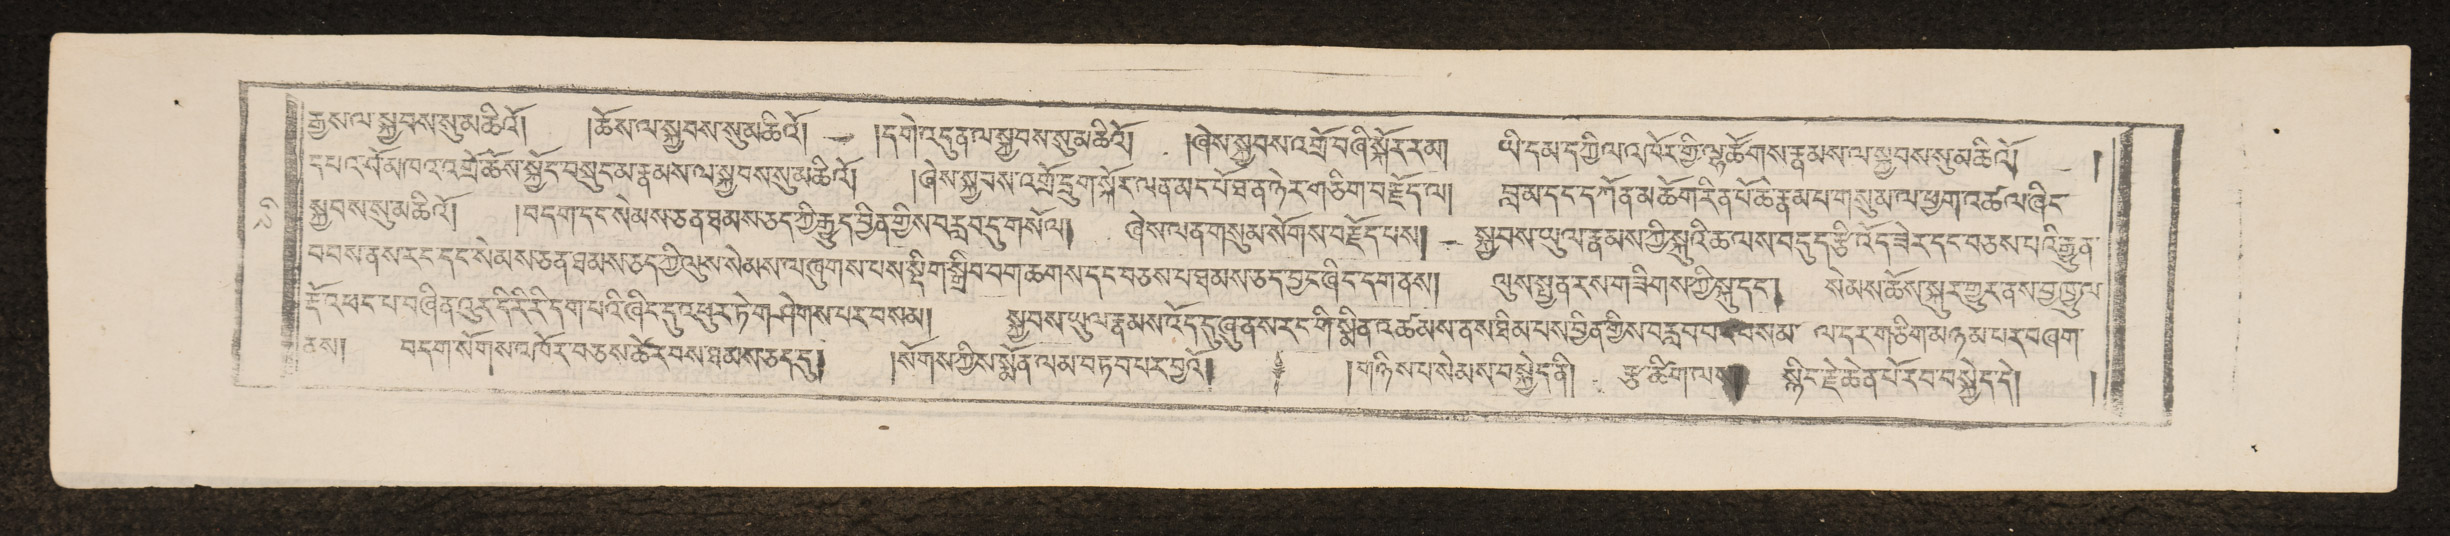རྒྱས་ལ་སྐྱབས་སུ་མཆིའོ། །ཆོས་ལ་སྐྱབས་སུ་མཆིའོ། །དགེ་འདུན་ལ་སྐྱབས་སུ་མཆིའོ། །ཞེས་སྐྱབས་འགྲོ་བཞི་སྐོར་རམ། ཡི་དམ་དཀྱིལ་འཁོར་གྱི་ལྷ་ཚོགས་རྣམས་ལ་སྐྱབས་སུ་མཆིའོ། །
དཔའ་བོ་མཁའ་འགྲོ་ཆོས་སྐྱོང་བསྲུང་མ་རྣམས་ལ་སྐྱབས་སུ་མཆིའོ། །ཞེས་སྐྱབས་འགྲོ་དྲུག་སྐོར་ལན་མང་པོ་ཐ་ན་ཉེར་གཅིག་བརྗོད་ལ། བླ་མ་དང་དཀོན་མཆོག་རིན་པོ་ཆེ་རྣམ་པ་གསུམ་ལ་ཕྱག་འཚལ་ཞིང་
སྐྱབས་སུ་མཆིའོ། །བདག་དང་སེམས་ཅན་ཐམས་ཅད་ཀྱི་རྒྱུད་བྱིན་གྱིས་བརླབ་དུ་གསོལ། ཞེས་ལན་གསུམ་སོགས་བརྗོད་པས། སྐྱབས་ཡུལ་རྣམས་ཀྱི་སྐུའི་ཆ་ལས་གདུད་རྩི་འོད་ཟེར་དང་བཅས་པའི་རྒྱུན་
བབས་ནས་རང་དང་སེམས་ཅན་ཐམས་ཅད་ཀྱི་ལུས་སེམས་ལ་ཞུགས་པས་སྡིག་སྒྲིབ་བག་ཆགས་དང་བཅས་པ་ཐམས་ཅད་བྱང་ཞིང་དག་ནས། ལུས་སྤྱན་རས་གཟིགས་ཀྱི་སྐུ་དང་། སེམས་ཆོས་སྐུར་གྱུར་ནས་བྱ་ཁྱུལ?་ལ་
རྡོ་འཕད་པ་བཞིན་འུར་དི་རི་རི་དག་བའི་ཞིང་དུ་འཕུར་ཏེ་གཤེགས་པར་བསམ། སྐྱབས་ཡུལ་རྣམས་འོད་དུ་ཞུ་ནས་རང་གི་སྨིན་འཚམས་ནས་ཐིམ་པས་བྱིན་གྱིས་བརླབ་པར་བསམ་ལ་དར་གཅིག་མཉམ་པར་བཞག་
ནས། བདག་སོགས་འཁོར་བཅས་ཚེར་བས་ཐམས་ཅད་དུ། །སོགས་ཀྱིས་སྨོན་ལམ་བཏབ་པར་བྱའོ། ༈ །གཉིས་པ་སེམས་བསྐྱེད་ནི། རྩ་ཚིག་ལས། སྙིང་རྗེ་ཆེན་པོ་རབ་བསྐྱེད་དེ། །